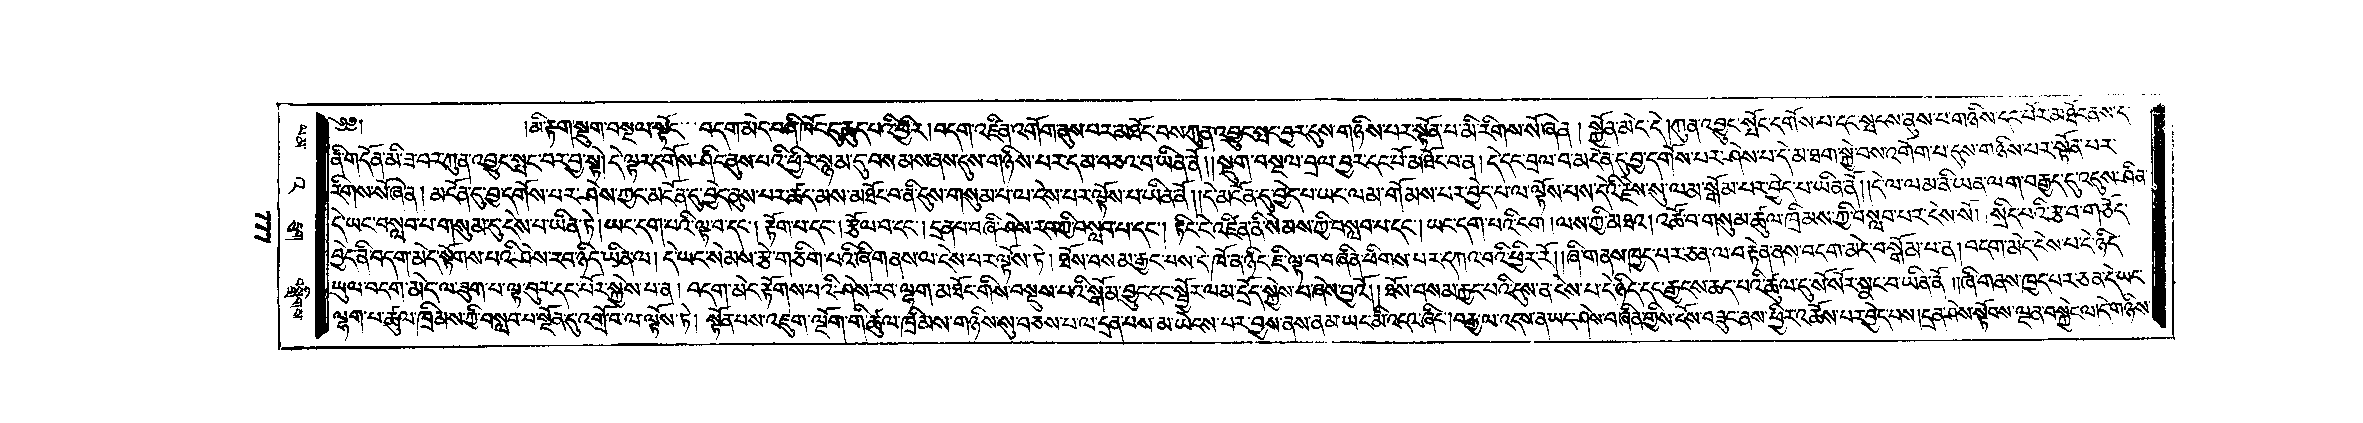༄༅། །མི་རྟག་སྡུག་བསྔལ་སྟོང་བདག་མེད་བཞི་ཁོང་དུ་ཆུད་པའི་ཕྱིར། བདག་འཛིན་འགོག་ནུས་པར་མཐོང་བས་ཀུན་འབྱུང་སྤང་བྱར་དུས་གཉིས་པར་སྟོན་པ་མི་རིགས་སོ་ཞེ་ན། སྐྱོན་མེད་དེ། ཀུན་འབྱུང་སྤོང་དགོས་པ་དང་སྤངས་ནུས་པ་གཉིས་དང་པོར་མཐོང་ནས་ད་
ནི་གདོན་མི་ཟ་བར་ཀུན་འབྱུང་སྤང་བར་བྱ་སྟེ། དེ་ལྟར་དགོས་ཤིང་ནུས་པའི་ཕྱིར་སྙམ་དུ་བསམས་ནས་དུས་གཉིས་པར་དམ་བཅའ་བ་ཡིན་ནོ། །སྡུག་བསྔལ་བྲལ་བྱར་དང་པོ་མཐོང་བ་ན། དེ་དང་བྲལ་བ་མངོན་དུ་བྱ་དགོས་པར་ཤེས་པ་དེ་མ་ཐག་སྐྱེ་བས་འགོག་པ་དུས་གཉིས་པར་སྟོན་པར་
རིགས་སོ་ཞེ་ན། མངོན་དུ་བྱ་དགོས་པར་ཤེས་ཀྱང་མངོན་དུ་བྱེད་ནུས་པར་ཚད་མས་མཐོང་བ་ནི་དུས་གསུམ་པ་ལ་ངེས་པར་ལྟོས་པ་ཡིན་ནོ། །དེ་མངོན་དུ་བྱེད་པ་ཡང་ལམ་གོམས་པར་བྱེད་པ་ལ་ལྟོས་པས་དེའི་རྗེས་སུ་ལམ་སྒོམ་པར་བྱེད་པ་ཡིན་ནོ། །དེ་ལ་ལམ་ནི་ཡན་ལག་བརྒྱད་དུ་འདུས་ཤིན་
དེ་ཡང་བསླབ་པ་གསུམ་དུ་ངེས་པ་ཡིན་ཏེ། ཡང་དག་པའི་ལྟ་བ་དང་། རྟོག་པ་དང་། རྩོལ་བ་དང་། དྲན་པ་བཞི་ཤེས་རབ་ཀྱི་བསླབ་པ་དང་། ཏིང་ངེ་འཛིན་ནི་སེམས་ཀྱི་བསླབ་པ་དང་། ཡང་དག་པའི་ངག །ལས་ཀྱི་མཐའ། འཚོ་བ་གསུམ་ཚུལ་ཁྲིམས་ཀྱི་བསླབ་པར་ངེས་སོ། །སྲིད་པའི་རྩ་བ་གཅོད་
བྱེད་ནི་བདག་མེད་སྟོགས་པའི་ཤེས་རབ་ཉིད་ཡིན་ལ། དེ་ཡང་སེམས་རྩེ་གཅིག་པའི་ཞི་གནས་ལ་ངེས་པར་ལྟོས་ཏེ། ཐོས་བསམ་རྒྱང་པས་དེ་ཁོ་ན་ཉིད་ཇི་ལྟ་བ་བཞིན་ཕིགས་པར་དཀའ་བའི་ཕྱིར་རོ། །ཞི་གནས་ཁྱད་པར་ཅན་ལ་བརྟེན་ནས་བདག་མེད་བསྒོམ་པ་ན། བདག་མེད་ངེས་པ་དེ་ཉིད་
ཡུལ་བདག་མེད་ལ་ཟུག་པ་ལྟ་བུར་དང་པོར་སྐྱེས་པ་ན། བདག་མེད་རྟོགས་པའི་ཤེས་རབ་ལྷག་མཐོང་གིས་བསྡུས་པའི་སྒོམ་བྱུང་དང་སྦྱོར་ལམ་དྲོད་སྐྱེས་པ་ཞེས་བྱའོ། །ཐོས་བསམ་རྐྱང་པའི་དུས་ན་ངེས་པ་དེ་ཉིད་དང་རྒྱངས་ཆད་པའི་ཚུལ་དུ་སོ་སོར་སྣང་བ་ཡིན་ནོ། །ཞི་གནས་ཁྱད་པར་ཅན་དེ་ཡང་
ལྷག་པ་ཚུལ་ཁྲིམས་ཀྱི་བསླབ་པ་སྔོན་དུ་འགྲོ་བ་ལ་ལྟོས་ཏེ། སྟོན་པས་འཇུག་ལྡོག་གི་ཚུལ་ཁྲིམས་གཉིས་སུ་བཅས་པ་ལ་དྲན་པས་མ་ཡེངས་པར་བྱས་ནས་ནམ་ཡང་མི་འདའ་ཞིང་། བརྒྱ་ལ་འདས་ན་ཡང་ཤེས་བཞིན་གྱིས་ངོས་བཟུང་ནས་ཕྱིར་འཆོས་པར་བྱེད་པས། དྲན་ཤེས་སྟོབས་ལྡན་བསྐྱེད་ལ། དེ་གཉིས་